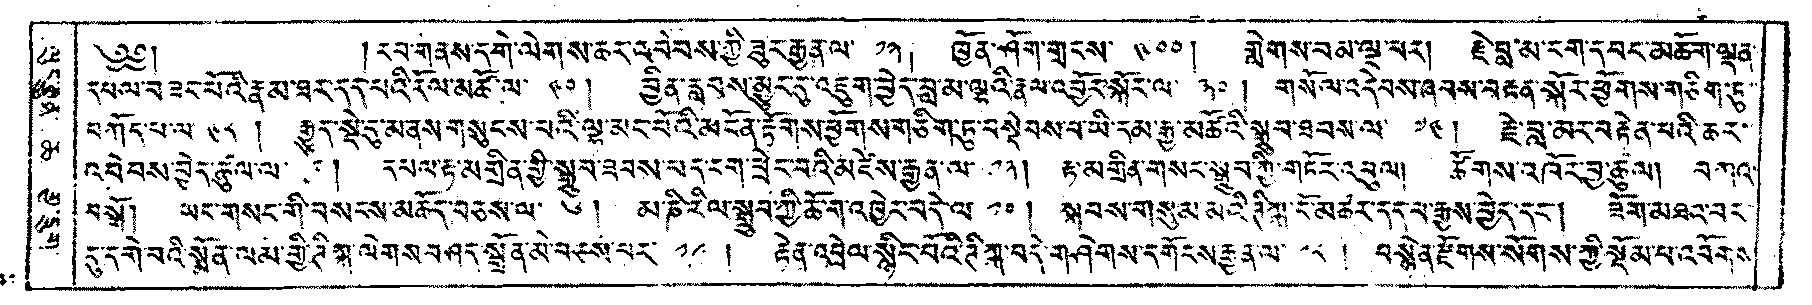༄༅། །རབ་གནས་དགེ་ལེགས་ཆར་འབེབས་ཀྱི་ཟུར་རྒྱན་ལ ༡༢། ཁྱོན་ཤོག་གྲངས ༤༠༠། གླེགས་བམ་ལྔ་པར། རྗེ་བླ་མ་ངག་དབང་མཆོག་ལྡན་
དཔལ་བཟང་པོའི་རྣམ་ཐར་དད་པའི་རོལ་མཚོ་ལ ༤༠། བྱིན་རླབས་མྱུར་དུ་འཇུག་བྱེད་བླ་མ་ལྷའི་རྣལ་འབྱོར་སྐོར་ལ ༣༠། གསོལ་འདེབས་ཞབས་བརྟན་སྐོར་ཕྱོགས་གཅིག་ཏུ་
བཀོད་པ་ལ ༤༨། རྒྱུད་སྡེ་དུ་མ་ནས་གསུངས་པའི་ལྷ་མང་པོའི་མངོན་རྟོགས་ཕྱོགས་གཅིག་ཏུ་བསྡེབས་པ་ཡི་དམ་རྒྱ་མཚོའི་སྒྲུབ་ཐབས་ལ ༧༤། རྗེ་བླ་མར་བརྟེན་པའི་ཆར་
འབེབས་བྱེད་ཚུལ་ལ ༩། དཔལ་རྟ་མགྲིན་གྱི་སྒྲུབ་ཐབས་པད་རག་ཕྲེང་བའི་མཛེས་རྒྱན་ལ ༡༢། རྟ་མགྲིན་གསང་སྒྲུབ་ཀྱི་གཏོར་འབུལ། ཚོགས་འཁོར་བྱ་ཚུལ། བཀའ་
བསྒོ། ཡང་གསང་གི་བསངས་མཆོད་བཅས་ལ ༦། མ་ཎི་རིལ་སྒྲུབ་ཀྱི་ཆོ་ག་འཁྱེར་བདེ་ལ ༡༠། སྐབས་གསུམ་མའི་ཊིཀྐ་ངོ་མཚར་དད་པ་རྒྱས་བྱེད་དང་། ཐོག་མཐའ་བར་
དུ་དགེ་བའི་སྨོན་ལམ་གྱི་ཊིཀྐ་ལེགས་བཤད་སྒྲོན་མེ་བཅས་པར ༡༩། རྟེན་འབྲེལ་སྙིང་པོའི་ཊིཀྐ་བདེ་གཤེགས་དགོངས་རྒྱན་ལ ༡༨། བསྙེན་རྫོགས་སོགས་ཀྱི་སྡོམ་པ་འབོགས་